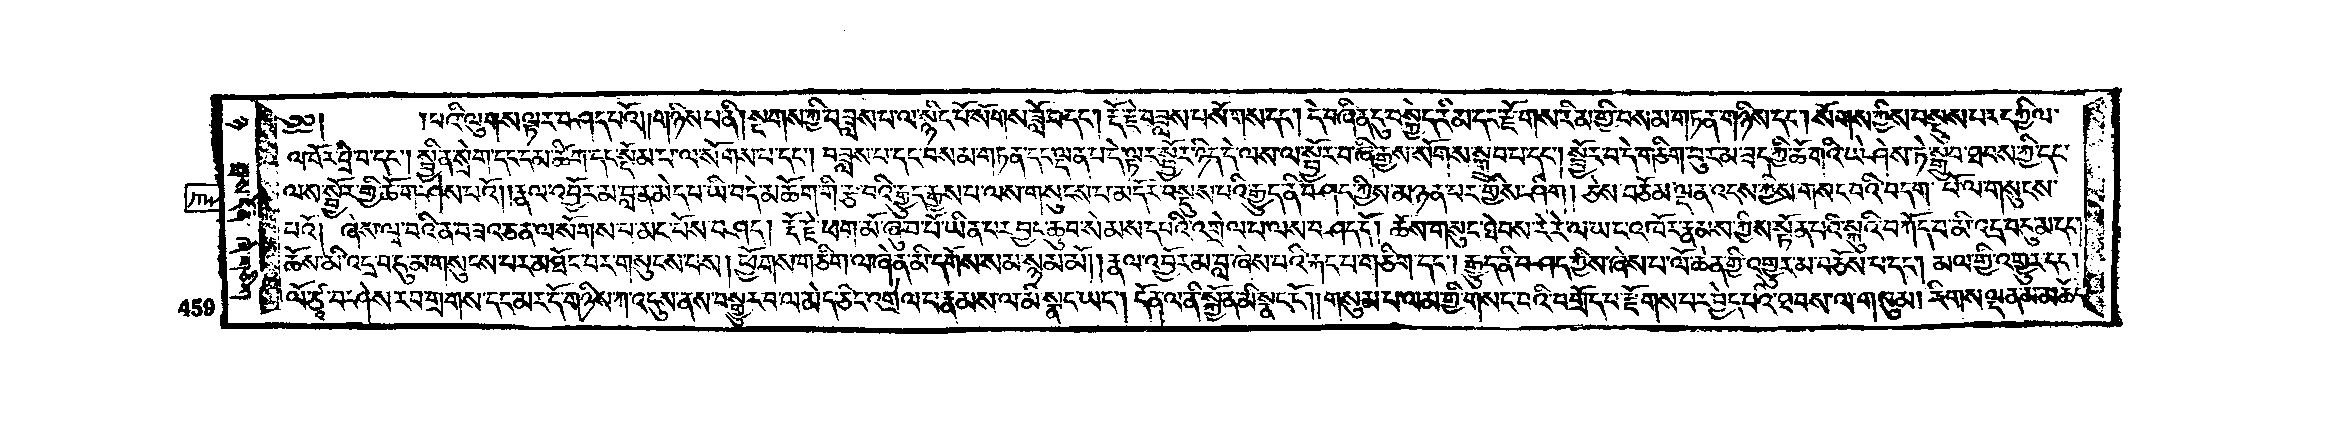༄༅། །པའི་ལུགས་ལྟར་བཤད་པའོ། །གཉིས་པ་ནི། སྔགས་ཀྱི་བཟླས་པ་ལ་སྙིང་པ་སོགས་ཟློ་བ་དང་། རྡོ་རྗེ་བཟླས་པ་སོགས་དང་། དེ་བཞིན་དུ་བསྐྱེད་རིམ་དང་རྫོགས་རིམ་གྱི་བསམ་གཏན་གཉིས་དང་། སོགས་ཀྱིས་བསྡུས་པར་དཀྱིལ་
འཁོར་བྲི་བ་དང་། སྦྱིན་སྲེག་དང་དམ་ཚིག་དང་སྡོམ་པ་ལ་སོགས་པ་དང་། བཟླས་པ་དང་བསམ་གཏན་དང་ལྡན་པ་དེ་ལྟར་སྦྱོར་ཉིད་དེ་ལས་ལ་སྦྱོར་བཞི་རྒྱས་སོགས་སྒྲུབ་པ་དང་། སྦྱོར་བ་དེ་གཅིག་བུར་མ་ཟད་ཀྱི་ཆོ་གའི་ཡེ་ཤེས་ཏེ་སྒྲུབ་ཐབས་ཀྱི་དང་
ལས་སྦྱོར་གྱི་ཆོ་ག་ཤེས་པའོ། །རྣལ་འབྱོར་མ་བླ་ན་མེད་པ་ཡི་བདེ་མཆོག་གི་རྩ་བའི་རྒྱུད་རྒྱས་པ་ལས་གསུངས་པ་མདོར་བསྡུས་པའི་རྒྱུད་ནི་བཤད་ཀྱིས་མཉན་པར་གྱིས་ཤིག། ཅེས་བཅོམ་ལྡན་འདས་ཀྱིས་གསང་བའི་བདག་པོ་ལ་གསུངས་
པའོ། ཞེས་ལྭ་བའི་ན་བཟའ་ཅན་ལ་སོགས་པ་མང་པོས་བཤད། རྡོ་རྗེ་ཕག་མོ་ཞུ་བ་པོ་ཡིན་པར་བྱང་ཆུབ་སེམས་དཔའི་འགྲེལ་པ་ལས་བཤད་དེ། ཆོས་གསུང་ཐེབས་རེ་རེ་ལ་ཡང་འཁོར་རྣམས་ཀྱིས་སྟོན་པའི་སྐུའི་བཀོད་བ་མི་འདྲ་བ་དུ་མ་དང་།
ཆོས་མི་འདྲ་བ་དུ་མ་གསུངས་པར་མཐོང་བར་གསུངས་པས། ཕྱོགས་གཅིག་ལ་ཞེན་མི་དགོས་སམ་སྙམ་མོ། །རྣལ་འབྱོར་མ་བླ་ཞེས་པའི་རྐང་པ་གཅིག་དང་། རྒྱུད་ནི་བཤད་ཀྱིས་ཞེས་པ་ལོ་ཆེན་གྱི་འགྱུར་མ་བཅོས་པ་དང་། མལ་གྱི་འགྱུར་དང་།
ལོ་རྩཱ་བ་ཤེས་རབ་གྲགས་དང་མར་དོ་གཉིས་ཀ་འདུས་ནས་བསྒྱུར་བ་ལ་མེད་ཅིང་འགྲེལ་པ་རྣམས་ལ་མི་སྣང་ཡང་། དོན་ལ་ནི་སྐྱོན་མི་སྣང་ངོ། །གསུམ་པ་ལམ་གྱི་གསང་བའི་བགྲོད་པ་རྫོགས་པར་བྱེད་པའི་ཐབས་ལ་གསུམ། རིགས་ལྡན་མ་མཆོད་